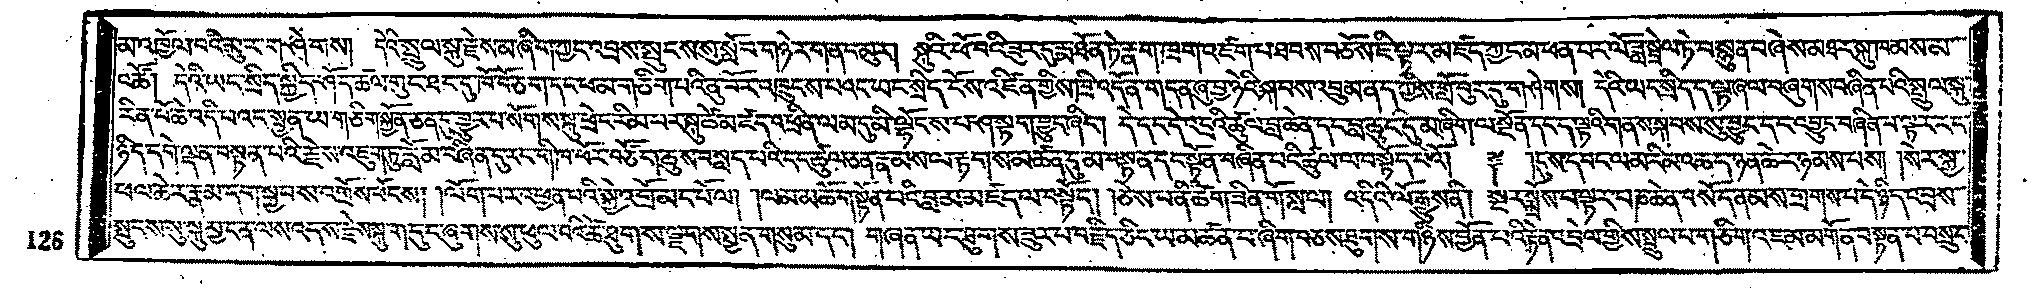མ་འཁྱོལ་བའི་མུར་གཤེགས། དེའི་སྤྲུལ་སྐུ་རྗེས་མ་ཞིག་ཀྱང་འབྲས་སྤུངས་སུ་སློབ་གཉེར་གནང་མུར། སྐུའི་ཕོ་བའི་ཟུར་དུ་རྨ་ཐོན་ཏེ་རྣག་ཁྲག་འཛག་པ་ཐབས་བཅོས་ཇི་ལྟར་མཛད་ཀྱང་མ་ཕན་པར་ལོ་ཟླ་སྦྲེལ་ཏེ་བསྙུན་བཞེས་མཐར་སྐུ་ཁམས་མ་
འཚོ། དེའི་ཡང་སྲིད་སྐྱིད་ཤོད་ཚལ་གུང་ཐང་དུ་ཁོ་བོ་ཅག་དང་ཕ་མ་གཅིག་པའི་ནུ་བོར་འཁྲུངས་པའང་ཡང་སྲིད་ངོས་འཛིན་གྱིས་ཁྲི་འདོན་གདན་ཞུ་བྱ་ཉེའི་སྐབས་འབྲུམ་ནད་ཀྱིས་གློ་བུར་དུ་གཤེགས། དེའི་ཡང་སྲིད་ད་ལྟ་ཞལ་བཞུགས་བཞིན་པའི་སྤྲུལ་སྐུ་
རིན་པོ་ཆེ་འདི་པའང་སྤྱན་ཡ་གཅིག་སྐྱོན་ཅན་དུ་གྱུར་པ་སོགས་སྐུ་ཕྲེང་རིམ་པར་སྐུ་ཚེ་མཛད་འཕྲིན་ལམ་དུ་མི་ལྷོངས་པ་ཤ་སྟག་བྱུང་ཞིང་། དེ་དང་དེ་འདྲའི་ཚུལ་བླ་ཆེན་དང་བླ་ཆུང་དུ་མ་ཞིག་ལ་སྔོན་དང་ད་ལྟའི་གནས་སྐབས་སུ་བྱུང་དང་འབྱུང་བཞིན་པ་ལྟར་རང་
ཉིད་དགེ་ལྡན་བསྟན་པའི་རྗེས་འཇུག་ཏུ་རློམ་བཞིན་དུ་རང་གི་ཁ་ཕོར་བཙོག་ཆུས་བསླད་པའི་ངང་ཚུལ་ཅན་རྣམས་ལ་རྟགས་མཚན་དུ་མ་བསྟན་དང་སྟོན་བཞིན་པའི་ཚུལ་ལ་བསྟོད་པའོ། ༈ །དུས་དབང་ལམ་རིམ་འཆད་ཉན་ཆེར་ཉམས་པས། །སེར་སྐྱ་
ཕལ་ཆེར་རྣམ་དག་སྐྱབས་འགྲོས་ཕོངས། །ལོག་པར་འཕྱན་པའི་སྐྱེ་འགྲོ་མང་པོ་ལ། །ལམ་མཆོག་སྟོན་པའི་བླ་མ་མཛད་ལ་བསྟོད། །ཅེས་པ་ནི་ཚིག་ཟིན་གོ་སླ་ལ། འདིའི་ལོ་རྒྱུས་ནི། སྔར་སྨྲོས་པ་ལྟར་པཎ་ཆེན་བསོད་ནམས་གྲགས་པ་དེ་ཉིད་འབྲས་
སྤུངས་སུ་སྐུ་མྱ་ངན་ལས་འདས་རྗེས་སྐུ་གདུང་ཞུགས་སུ་ཕུལ་བའི་ཚེ་ཐུགས་ལྗགས་སྤྱན་གསུམ་དང་། གཞན་ཡང་ཐུགས་ཟུར་པ་བརྗིད་ཅིང་ཡ་མཚན་པ་ཞིག་བཅས་ཐུགས་གཉིས་བྱོན་པའི་རྟེན་འབྲེལ་གྱིས་སྤྲུལ་པ་གཅིག་འཇམ་མགོན་བསྟན་པ་བསྲུང་